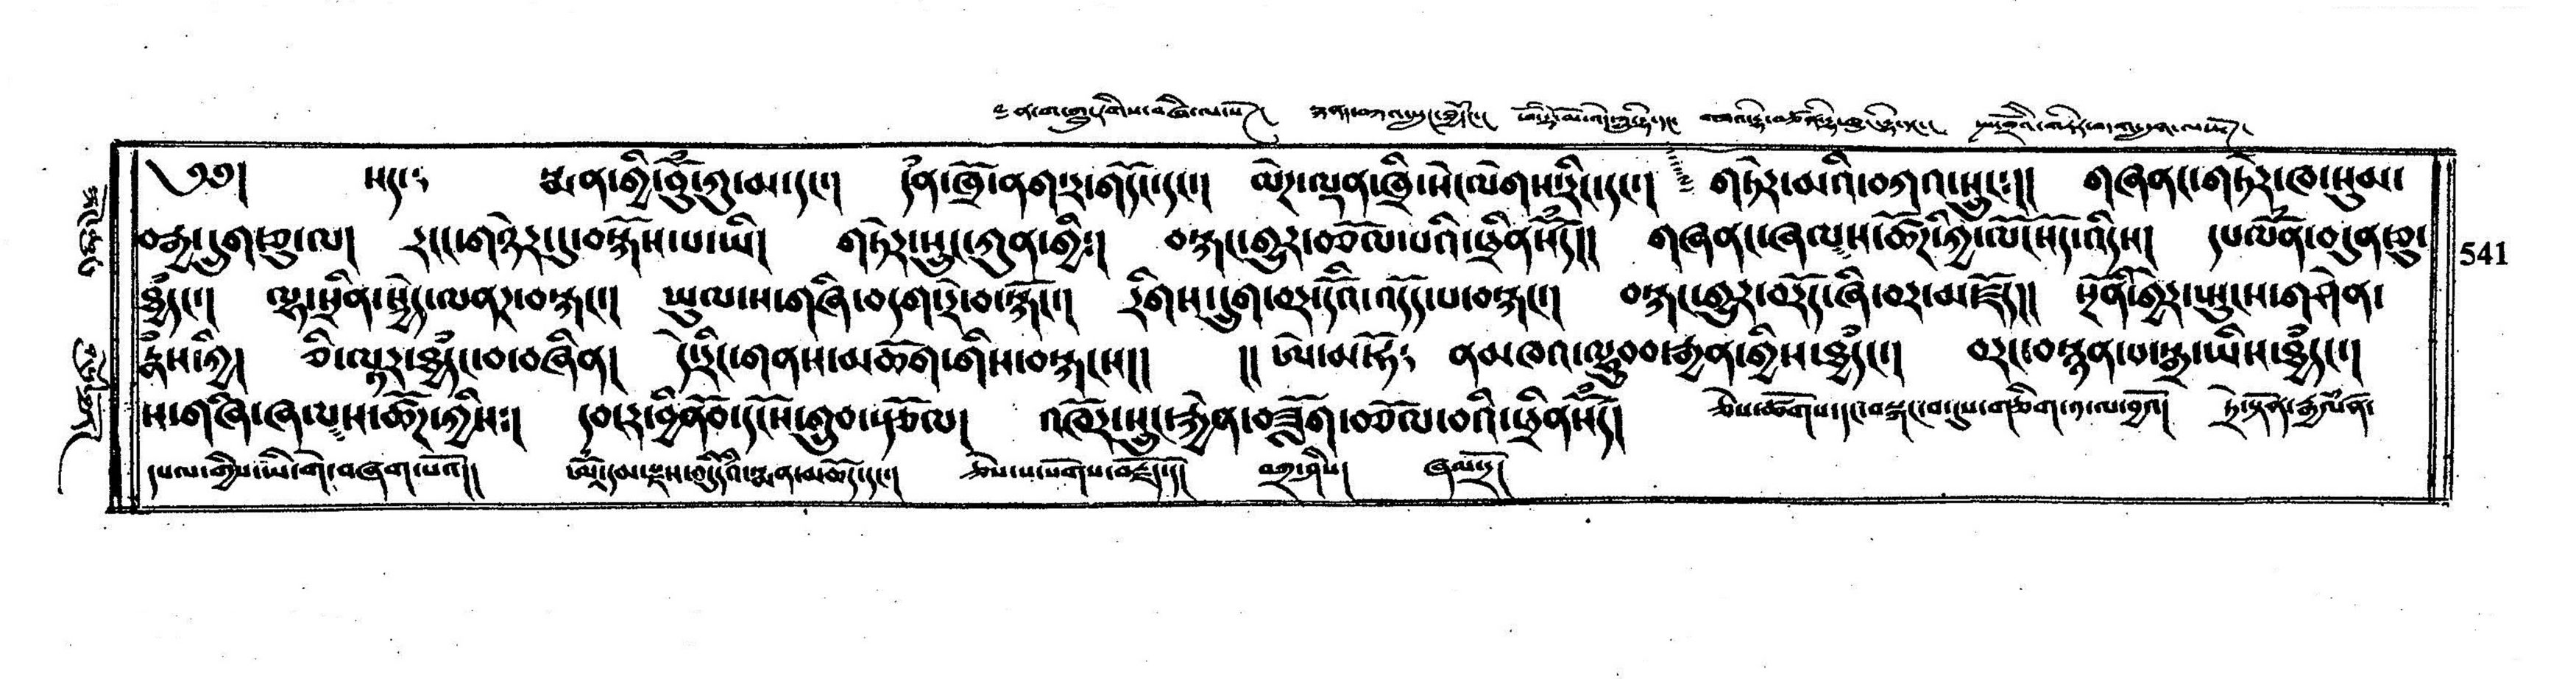སད། སྨན་གྱི་བུ་མོ་ཀུ་མ་དང་། དམ་ཅན་ཁྲོ་ནག་ར་གདོང་དང་། ལེགས་ལྡན་ཁྲི་སེ་ལེགས་རིང་དང་། ན་ག་གླུ་རིགས་བཞི་ལས་སོགས། སྙན་རྒྱུད་བཀའ་སྲུངཐུགས་དམ་བསྐང་། ཕོ་དྷེ་མོ་དྷེ་ཀླུ་འོད་དང་། གཟའ་དྷེ་བཙན་དྷེ་ཁྱུང་དྷེ་དང་། སྤ་གྲོའི་གཏེར་བདག་དྲུག་ལ་སོགས། གཏེར་མའི་བཀའ་སྲུང་ཐུགས་དམ་བསྐང་། གཞན་ཡང་གཏེར་ཁ་སུམ་
བརྒྱ་དྲུག་ཅུ་ལ། རང་རང་གཉེར་དུ་བསྐོས་པ་ཡི། གཏེར་སྲུང་ཀུན་གྱི༴། བསྐང་གྱུར་བཅོལ་པའི་ཕྲིན་ལས་མཛོད།། གཞན་ཡང་ཞལ་ཟས་ཚོགས་ཀྱི་ལོངས་སྤྱོད་འདིས། དཔལ་མགོན་བདུན་ཅུ་
ཐུགས་དམ་བསྐང་། ལྷ་སྲིན་སྡེ་བརྒྱད་ལན་ཆགས་བསྐང་། ཡུལ་ས་གཞི་བདག་རེ་བ་སྐོང་། རིགས་དྲུག་བར་དོའི་འདོད་པ་བསྐང་། བསྐང་གྱུར་བར་ཆོད་ཞི་བར་མཛོད།། སྔོན་གྱི་གྱེར་སྤུངས་གཤེན་
རྣམས་ཀྱི། ཅི་ལྟར་ཐུགས་དམ་བསྐང་བ་བཞིན། དེ་རིང་གནས་༼འདིར༽མཆོག་གིས་བསྐངས།། །།ཨེ་མ་ཧོ། ནམ་མཁའ་ལྷུན་གྲུབ་རྒྱན་གྱིས་ཐུགས་དམ་བསྐང་། བར་སྣང་སྙན་པ་སྒྲ་ཡིས་ཐུགས་དམ་བསྐང་། 
ས་གཞི་ཞལ་ཟས་ཚོགས་ཀྱིས༴། དབང་བསྐུར་བྱིན་རློབས་དངོས་གྲུབ་སྩོལ། འཁོར་སྲུང་རྐྱེན་བཟློག་བཅོལ་བའི་ཕྲིན་ལས་མཛོད། ཅེས་ཚོགས་དང་བསྐང་བ་དུས་གཅིག་གཅིག་ལ་བྱའོ། ཏྲེ་སྟོན་རྒྱལ་མཚན་
དཔལ་གྱིས་ཡི་གེ་བཞག་པའོ།། ཨཱོཾ་དམ་རྫས་བདུད་རྩིའི་སྨན་མཆོད་དང་། ཅེས་པ་སོགས་བརྗོད་དོ། བཀྲ་ཤིས། ཞལ་དྲོ།